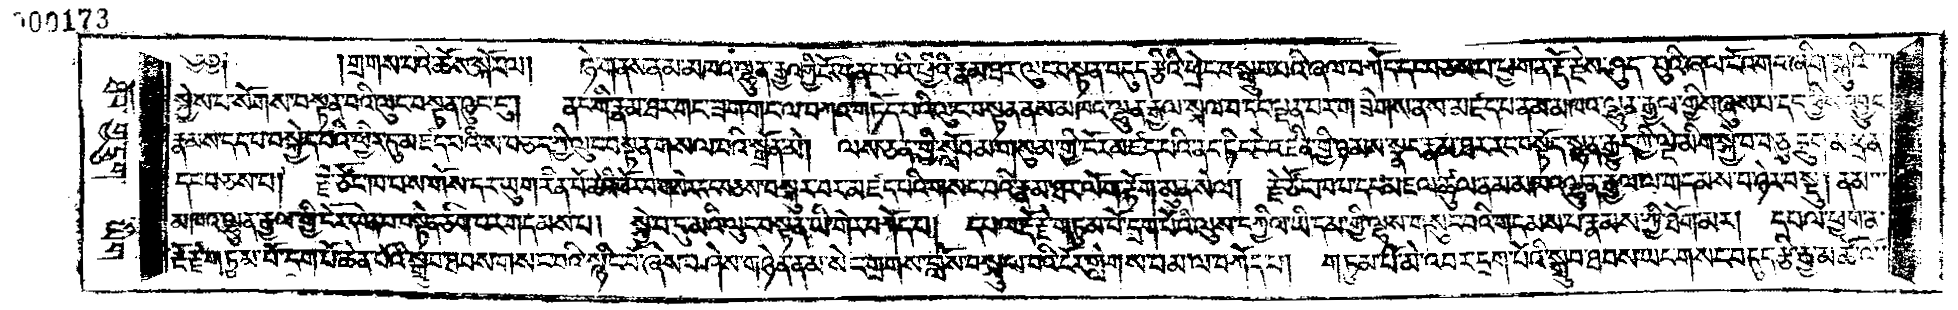༄༅། །གྲགས་པའི་ཆོས་སྐོར་ལ། ཉེ་གནས་ནམ་མཁའ་ལྷུན་རྒྱལ་གྱི་ངོར་གནང་བའི་ཕྱིའི་རྣམ་ཐར་ལུང་བསྟན་བདུད་རྩིའི་ཕྲེང་བསྒྲུབ་པའི་ཞལ་བཀོད་དང་བཅས་པ་ཕྱག་ན་རྡོ་རྗེས་ཤུད་བུའི་ཞལ་པོ་འགའ་ཞིག་སྐུའི་
སྐྱེས་པ་སོགས་བསྟན་བའི་ལུང་བསྟན་ཉུང་དུ། ནང་གི་རྣམ་ཐར་གང་ཟག་གང་ལ་བཀའ་གཏོད་པའི་ལུང་བསྟན་ནམ་མཁའ་ལྷུན་རྒྱལ་སྐལ་བ་དང་ལྡན་པར་གཟིགས་ནས་མཛད་པ་ནམ་མཁའ་ལྷུན་རྒྱལ་གྱིས་ཞུས་པ་དང་ཕྱིས་འབྱུང་
རྣམས་དད་པ་བསྐྱེད་པའི་ཕྱིར་དུ་མཛད་པའི་ས་བཅས་ཀྱི་ལུང་བསྟན་གསལ་བའི་སྒྲོན་མེ། ལས་ཅན་གྱི་སློབ་མ་གསུམ་གྱི་ངོར་མཛད་པའི་ནང་ཏིང་ངེ་འཛིན་གྱི་ཉམས་སྣང་རྣམ་ཐར་རང་བསྟོད་སྙན་རྒྱུད་ཀྱི་ལྡེ་མིག་སྐྱེ་བ་བཅུ་དྲུག་མ་ཕེན་
དང་བཅས་པ། རྗེ་ཙོང་ཁ་པས་གོས་དར་ཡུག་རིན་པོ་ཆེའི་ཕོར་བ་གསེར་དང་བཅས་བསྐུར་བར་མཛད་པའི་གསང་བའི་རྣམ་ཐར་ལོག་རྟོག་མུན་སེལ། རྗེ་ཙོང་ཁ་པ་དང་མཇལ་ཚུལ་ནམ་མཁའ་ལྷུན་རྒྱལ་ལ་གདམས་པ་ཉེར་བསྡུ། ནམ་
མཁའ་ལྷུན་རྒྱལ་གྱི་ངོར་དབེན་པ་བསྟེན་ཅིག་པར་གདམས་པ། སྐྱེ་བ་དུ་མའི་ལུང་བསྟན་ཡི་གེར་བཀོད་པ། དཔལ་རྡོ་རྗེ་གཏུམ་པོ་དྲག་པོའི་ལུས་དཀྱིལ་ཡི་དམ་གྱི་ལྷས་གསུང་བའི་གདམས་པ་རྣམས་ཀྱི་ཐོག་མར། དཔལ་ཕྱག་ན་
རྡོ་རྗེ་གཏུམ་པོ་དྲག་པོ་ཆེན་པོའི་སྒྲུབ་ཐབས་གསང་བའི་སྙིང་པོ་ཞེས་བཤེས་གཉེན་ནས་སེང་གྲགས་བློས་བསྐུལ་བའི་ངོར་གླེགས་བམ་ལ་བཀོད་པ། གཏུམ་པོ་མེ་འབར་དྲག་པོའི་སྒྲུབ་ཐབས་ཡང་གསང་བདུད་རྩི་རྒྱ་མཚོ་ལོ་